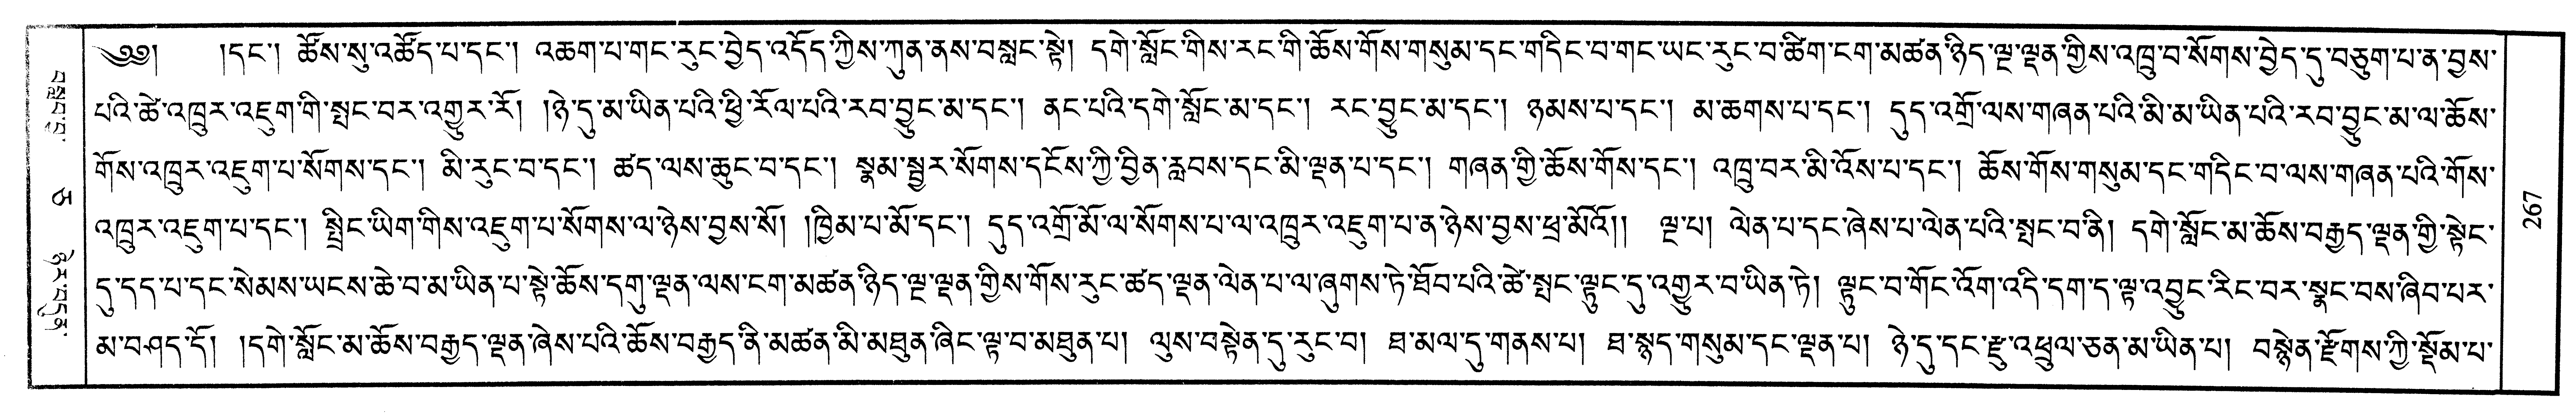༄༅། །དང་། ཚོས་སུ་འཚོད་པ་དང་། འཆག་པ་གང་རུང་བྱེད་འདོད་ཀྱིས་ཀུན་ནས་བསླང་སྟེ། དགེ་སློང་གིས་རང་གི་ཆོས་གོས་གསུམ་དང་གདིང་བ་གང་ཡང་རུང་བ་ཚིག་ངག་མཚན་ཉིད་ལྔ་ལྡན་གྱིས་འཁྲུ་བ་སོགས་བྱེད་དུ་བཅུག་པ་ན་བྱས་
པའི་ཚེ་འཁྲུར་འཇུག་གི་སྤང་བར་འགྱུར་རོ། །ཉེ་དུ་མ་ཡིན་པའི་ཕྱི་རོལ་པའི་རབ་བྱུང་མ་དང་། ནང་པའི་དགེ་སློང་མ་དང་། རང་བྱུང་མ་དང་། ཉམས་པ་དང་། མ་ཆགས་པ་དང་། དུད་འགྲོ་ལས་གཞན་པའི་མི་མ་ཡིན་པའི་རབ་བྱུང་མ་ལ་ཆོས་
གོས་འཁྲུར་འཇུག་པ་སོགས་དང་། མི་རུང་བ་དང་། ཚད་ལས་ཆུང་བ་དང་། སྣམ་སྦྱར་སོགས་དངོས་ཀྱི་བྱིན་རླབས་དང་མི་ལྡན་པ་དང་། གཞན་གྱི་ཆོས་གོས་དང་། འཁྲུ་བར་མི་འོས་པ་དང་། ཆོས་གོས་གསུམ་དང་གདིང་བ་ལས་གཞན་པའི་གོས་
འཁྲུར་འཇུག་པ་དང་། སྤྲིང་ཡིག་གིས་འཇུག་པ་སོགས་ལ་ཉེས་བྱས་སོ། །ཁྱིམ་པ་མོ་དང་། དུད་འགྲོ་མོ་ལ་སོགས་པ་ལ་འཁྲུར་འཇུག་པ་ན་ཉེས་བྱས་ཕྲ་མོའོ།། ལྔ་པ། ལེན་པ་དང་ཞེས་པ་ལེན་པའི་སྤང་བ་ནི། དགེ་སློང་མ་ཆོས་བརྒྱད་ལྡན་གྱི་སྟེང་
དུ་དད་པ་དང་སེམས་ཡངས་ཆེ་བ་མ་ཡིན་པ་སྟེ་ཆོས་དགུ་ལྡན་ལས་ངག་མཚན་ཉིད་ལྔ་ལྡན་གྱིས་གོས་རུང་ཚད་ལྡན་ལེན་པ་ལ་ཞུགས་ཏེ་ཐོབ་པའི་ཚེ་སྤང་ལྟུང་དུ་འགྱུར་བ་ཡིན་ཏེ། ལྟུང་བ་གོང་འོག་འདི་དག་ད་ལྟ་འབྱུང་རིང་བར་སྣང་བས་ཞིབ་པར་
མ་བཤད་དོ། །དགེ་སློང་མ་ཆོས་བརྒྱད་ལྡན་ཞེས་པའི་ཆོས་བརྒྱད་ནི་མཚན་མི་མཐུན་ཞིང་ལྟ་བ་མཐུན་པ། ལུས་བསྟེན་དུ་རུང་བ། ཐ་མལ་དུ་གནས་པ། ཐ་སྙད་གསུམ་དང་ལྡན་པ། ཉེ་དུ་དང་རྫུ་འཕྲུལ་ཅན་མ་ཡིན་པ། བསྙེན་རྫོགས་ཀྱི་སྡོམ་པ་